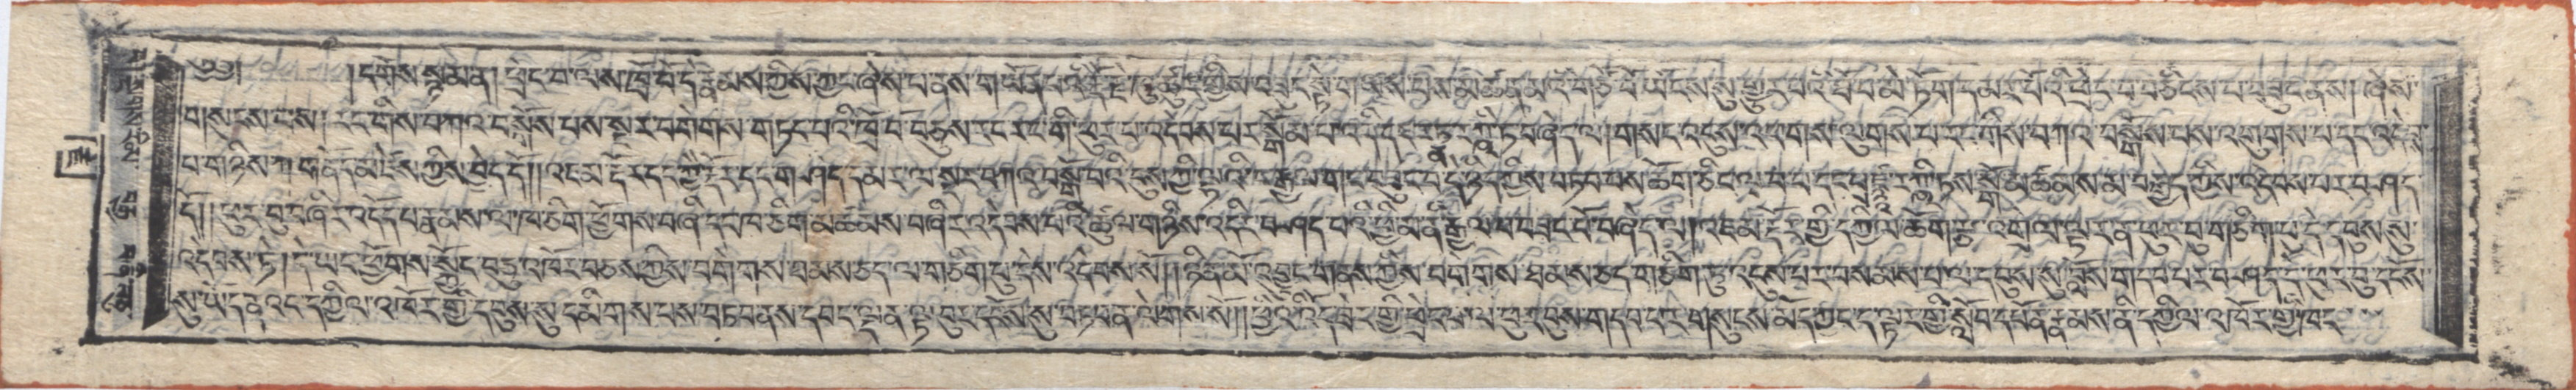༄༅། །དགོས་སྙམ་ན། ཕྲེང་བ་ལས་ཁྲོ་བོ་དེ་རྣམས་ཀྱིས་ཀྱང་ཞེས་པ་ནས་གཡོན་པའི་རྡོ་རྗེ་ཁུ་ཚུར་གྱིས་བཟུང་སྟེ་གཡས་པས་མཚན་མའི་གཙོ་བོ་ཡོངས་སུ་གྱུར་པའི་ཐོ་བ་མེ་ཏོག་དམར་པོའི་ཕྲེང་བ་བཅིངས་པ་བཟུང་ནས། ཞེས་
གསུངས་པས། རང་གིས་བཀའ་བསྒོས་པས་སྔར་བགེགས་གཏང་པའི་ཁྲོ་བོ་བཅུས་རང་རང་གི་ཕུར་པ་འདེབས་པར་སྒོམ་པ་འདི་དང་རནྟ་རཀྵི་ཏ་བཞེད་ལ། གསང་འདུས་འཕགས་ལུགས་པ་རང་གིས་བཀའ་བསྒོས་པས་འགུགས་པ་དང་འདེབས་
པ་གཉིས་ཀ་གནོད་མཛེས་ཀྱིས་བྱེད་དོ། །འཇམ་རྡོར་དང་ཀྱཻ་རྡོར་དང་གཤིད་དམར་ལ་སྔར་བཀའ་བསྒོ་བའི་དུས་ཀྱི་ལྷའི་ང་རྒྱལ་གང་བཟུང་བ་དེ་ཉིད་ཀྱིས་བཏབ་པས་ཆོག་ཅིང་ལྭ་བ་པ་དང་པྲཛྙཱ་རཀྵི་ཏས་སྒོ་མཚམས་མ་བརྒྱད་ཀྱིས་འདེབས་པར་བཤད་
དོ། །ཕུར་བུ་བཞིར་འདོད་པ་རྣམས་ལ་ཁ་ཅིག་ཕྱོགས་བཞི་དང་ཁ་ཅིག་མཚམས་བཞིར་འདེབས་པའི་ཚུལ་གཉིས་འདིར་བཤད་པའི་ཕྱི་མ་ནི་རྒྱལ་བ་བཟང་པོ་བཞེད་ལ། འཇམ་རྡོར་གྱི་དཀྱིལ་ཆོག་རྩ་འགྲེལ་ལྟར་ན་ཕུར་བུ་གཅིག་པུ་དེ་དབུས་སུ་
འདེབས་ཏེ། དེ་ཡང་ཕྱོགས་སྐྱོང་བཅུ་འཁོར་བཅས་ཀྱིས་བགེགས་ཐམས་ཅད་ལ་གཅིག་པུ་དེས་འདེབས་སོ། །ཉིན་མོ་འབྱུང་གནས་ཀྱིས་བགེགས་ཐམས་ཅད་གཅིག་ཏུ་འདུས་པར་བསམས་པ་ལ་དབུས་སུ་བློས་གདབ་པར་བཤད་དེ་ཕུར་བུ་དངོས་
སུ་ཡོད་ནའང་དཀྱིལ་འཁོར་གྱི་དབུས་སུ་དམིགས་པས་བཏབ་ནས་དབང་ལྡན་ལྟ་བུར་དངོས་སུ་བཏབ་ན་ལེགས་སོ། །ཕྱིའི་འོད་ཟེར་གྱི་ཕྲེང་བ་ལ་ཕུར་བུས་གདབ་པར་གསུངས་མོད་ཀྱང་ད་ལྟར་གྱི་སློབ་དཔོན་རྣམས་ནི་དཀྱིལ་འཁོར་གྱི་ཁང་